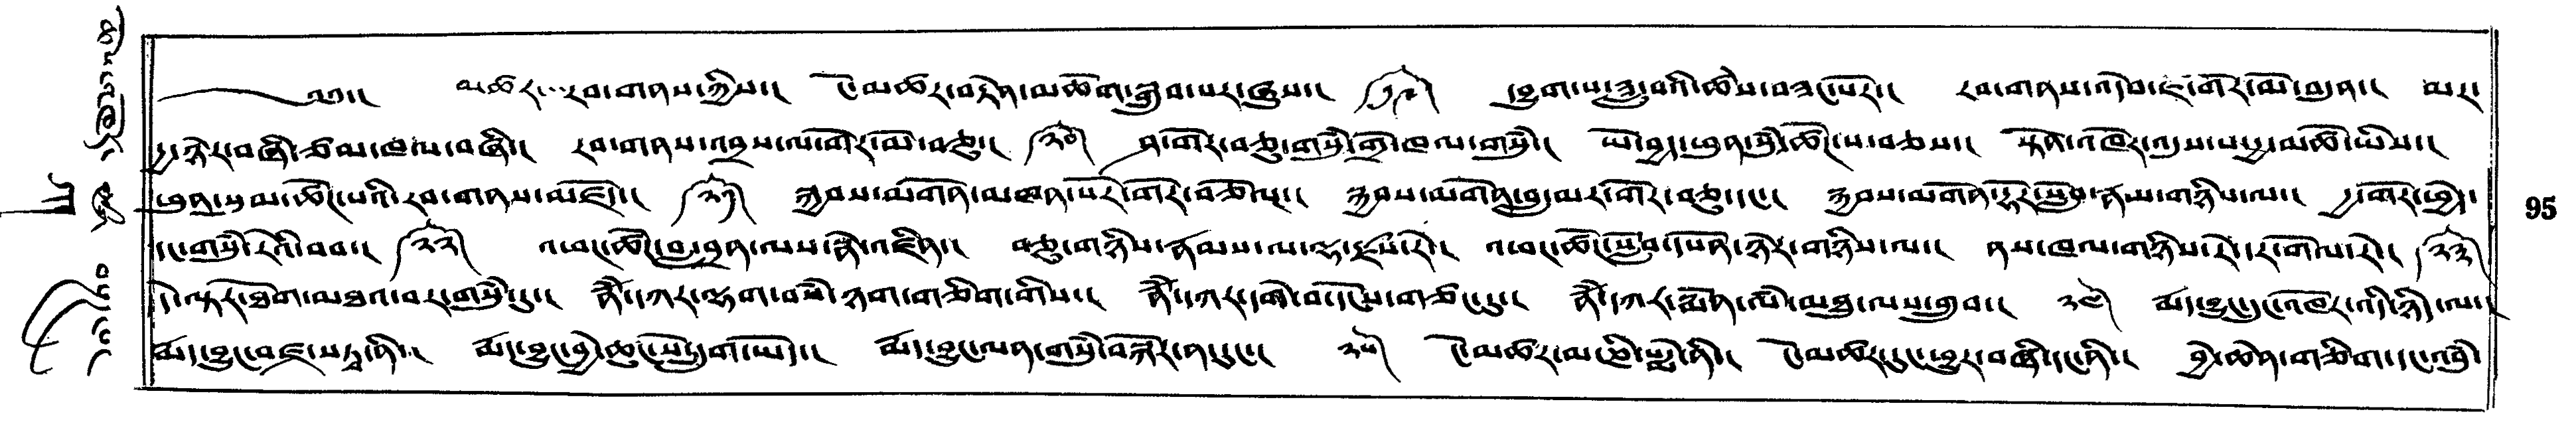མཚར་རབ་གནས་ཀྱིས། །ངོ་མཚར་རྟེན་མཆོག་སྒྲུབ་པར་ཞུས། ། ༡༩༽དབྱུག་པ་ཟླ་བའི་ཚེས་བཟང་པོར། །རབ་གནས་འདེབས་ཇ་སྒོར་མོ་བདུན། །མར་
རྒྱ་ཉེར་བཞི་ཙམ་ཁལ་བཞི། །རབ་གནས་འབྲས་ལ་སྒོར་མོ་བཅུ། ། ༢༠༽ ཤ་སྒོར་བཅུ་གསུམ་གྲོ་ཁལ་གསུམ། །ཡོ་བྱད་ཕུན་སུམ་ཚོགས་པ་བཅས། །སྟོན་འཁོར་འདུས་པ་རྒྱ་མཚོ་ཡིས། །
ཕུན་སུམ་ཚོགས་པའི་རབ་གནས་མཛད། །༢༡༽ སྐྱབས་མགོན་མཁན་པོར་སྒོར་བཅོ་ལྔ། །སྐྱབས་མགོན་བླ་མར་སྒོར་བཅུ་དང་། །སྐྱབས་མགོན་རྡོར་སློབ་རྣམ་གཉིས་ལ། །རྒྱ་སྒོར་ཕྱེད་
དང་གསུམ་རེའི་བབ། ། ༢༢༽ འཕགས་ཚོགས་བླ་བྲན་ལས་སྣེ་འཛིན། །བཅུ་གཉིས་རྣམས་ལ་ལྷ་རྫས་རེ། །འཕགས་ཚོགས་སློབ་དཔོན་ཉེར་གཉིས་ལ། །ནས་ཁལ་གཉིས་རེ་དར་སྒོར་རེ། ། ༢༣༽ 
དེ་ལྟར་ཐོག་མཐའ་བར་གསུམ་དུ། །རྣམ་དཀར་ལྷག་བསམ་ཉག་གཅིག་གིས། །རྣམ་དཀར་དགེ་བ་དངོས་གཙང་དུ། །རྣམ་དཀར་སྨོན་ལམ་མཐུ་ལས་གྲུབ། ། ༢༤༽ རྨད་བྱུང་དུང་འཁོར་འདི་ཉིད་ལ། །
རྨད་བྱུང་བཛྲ་ས་ཏྭ་ནི། །རྨད་བྱུང་བྱེ་ཆུང་སོ་དྲུག་ཡོད། །རྨད་བྱུང་ལན་གསུམ་བསྐོར་ན་དུང་། ། ༢༥༽ ངོ་མཚར་མ་ཎི་པདྨེ་ནི། །ངོ་མཚར་དུང་ཕྱུར་བཞི་དང་ནི། །བྱེ་ཆེན་གཅིག་དང་འབུམ་